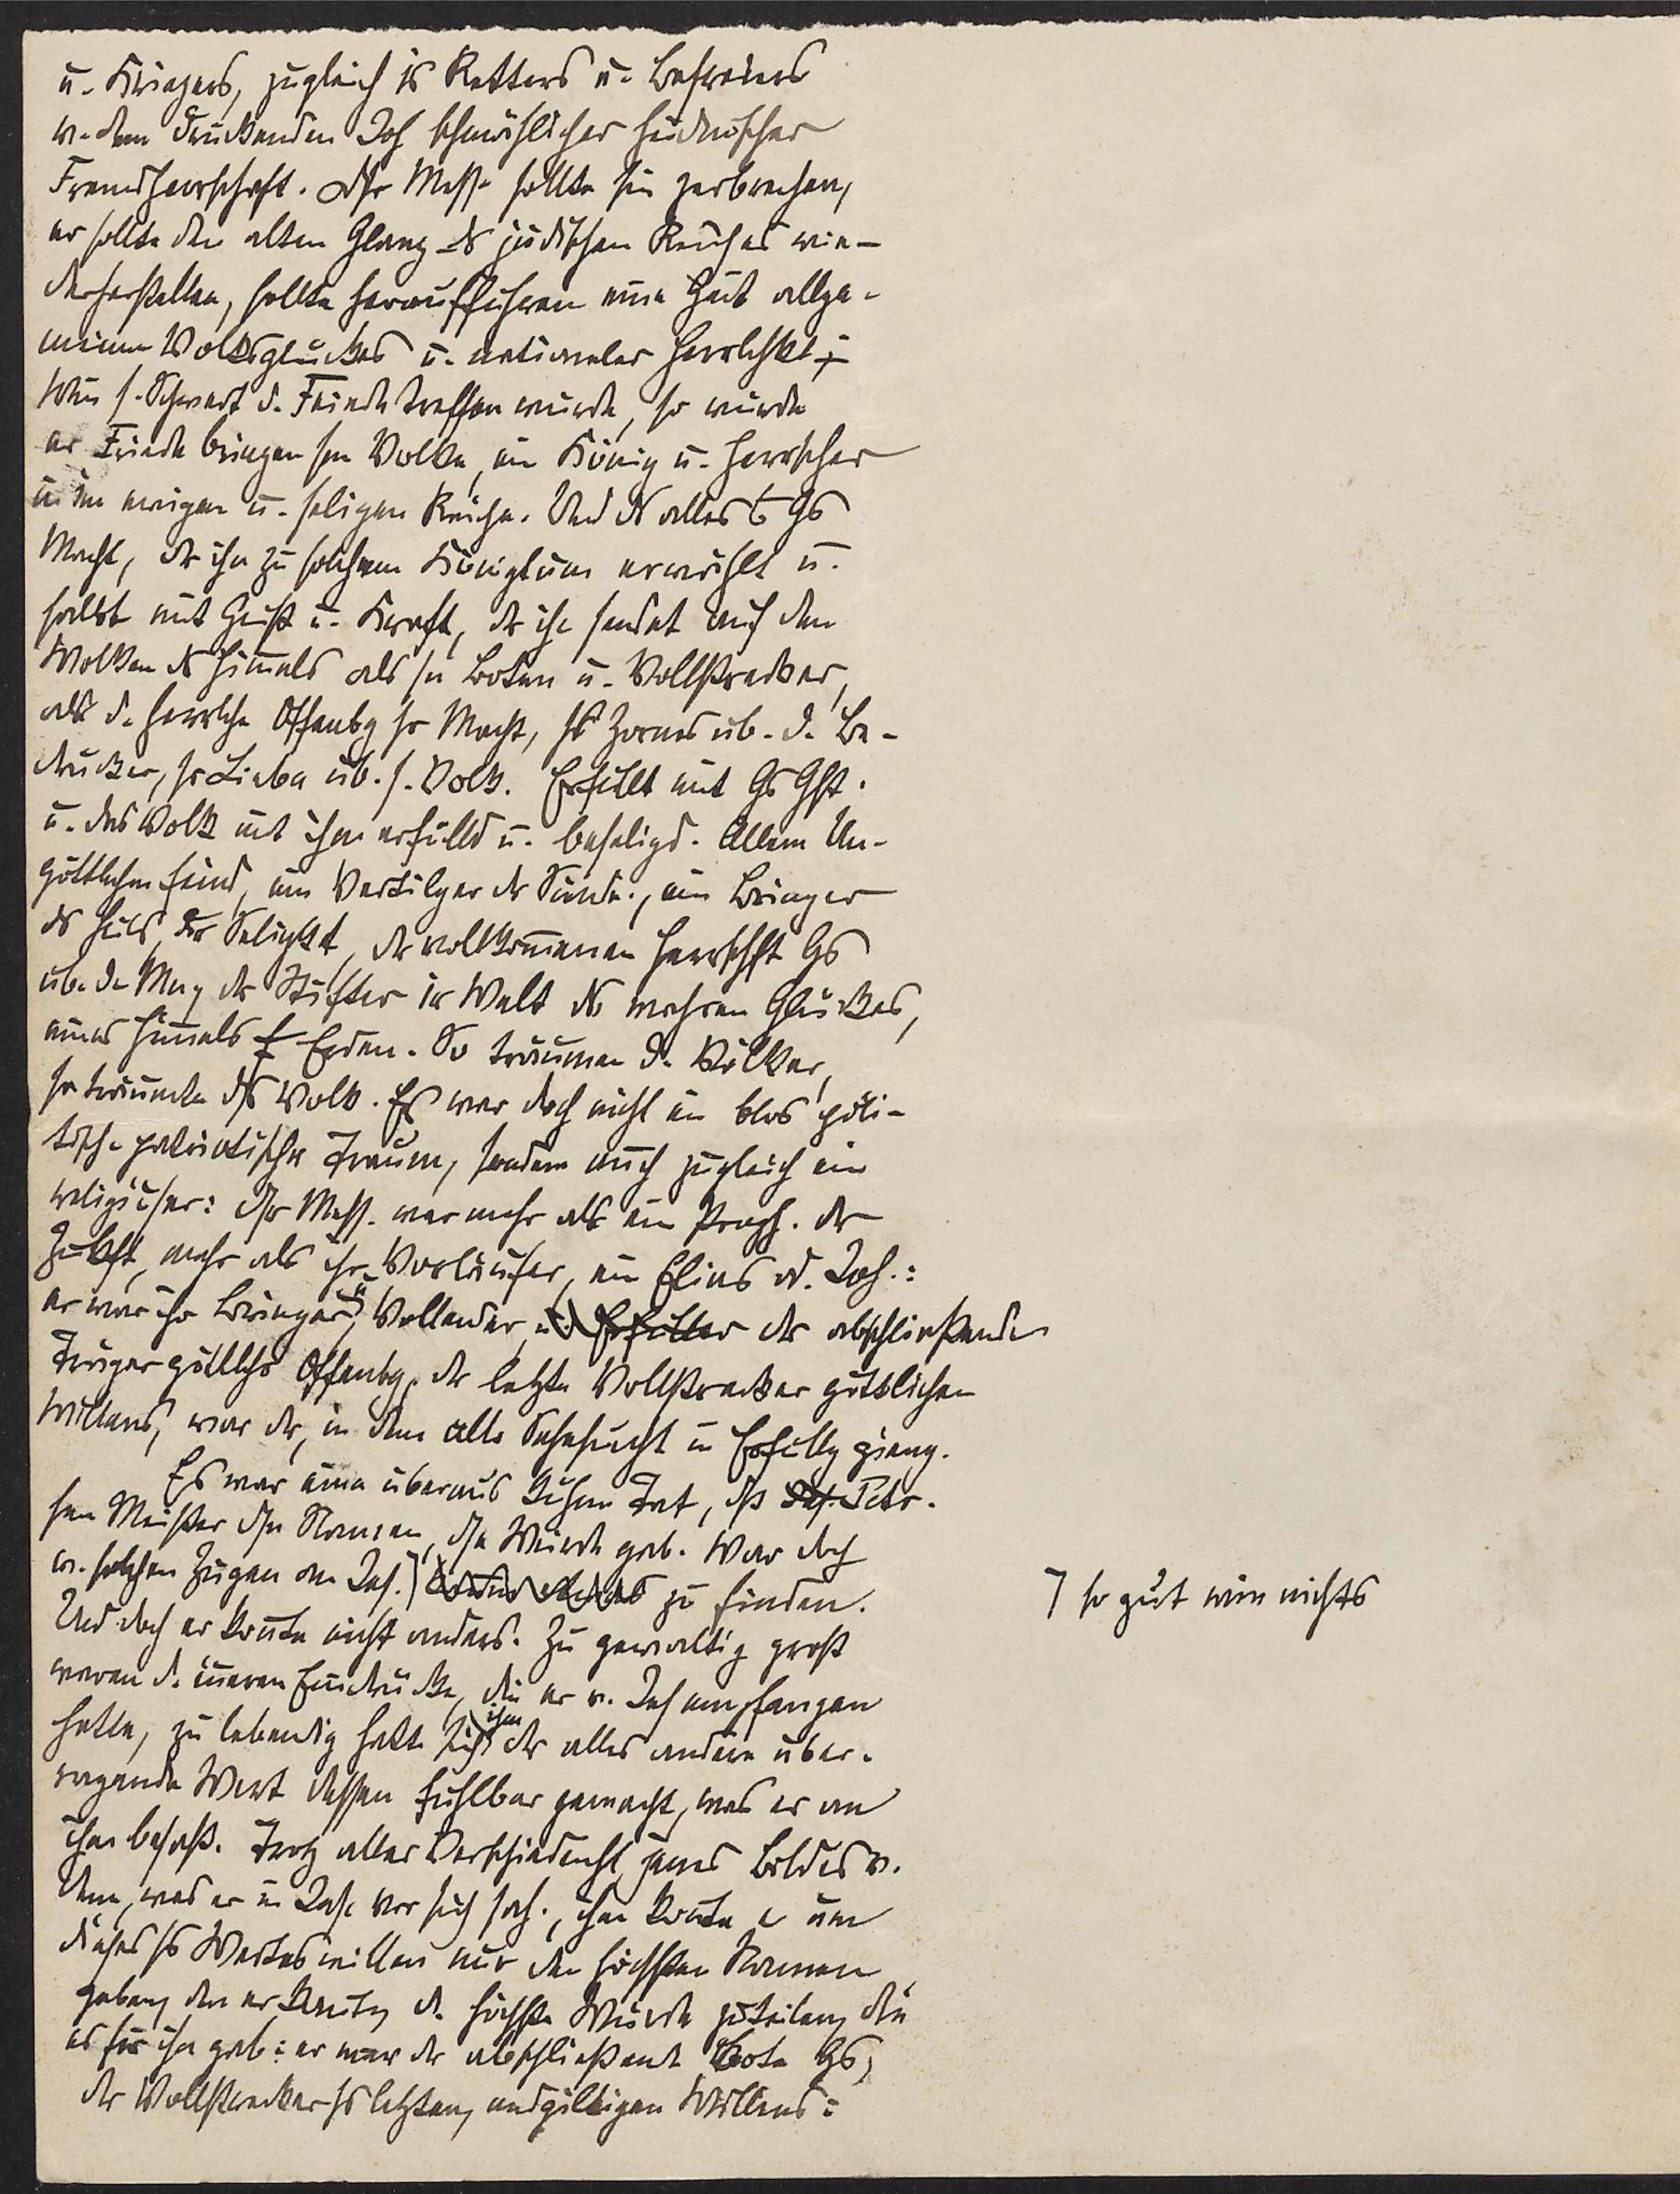u. Kriegers, zugleich 1s Retters u. Befreiers
v. dem drückenden Joch schwächlicher heidnischer
Fremdherrschaft. Dsr Mess. sollte sie zerbrechen,
er sollte den alten Glanz ds. jüdischen Reiches wieder¬
herstellen, sollte heraufführen eine Zeit allge¬
meinen Volksglückes u. nationaler Herrlichkt,
Wie s. Schwert d. Friede treffen würde, so würde
er Friede bringen sm Volke, ein König u. Herrscher
in 1m ewigen u. seligen Reiche. Und das alls s Gs
Macht, dr ihn zu solchem Königtum erwählt u.
solbst mit Geist u. Kraft, dr ihn sendet auf den
Wolken ds Himels als sn Boten u. Vollstreker,
als d. herrliche Offenbg sr Macht, Gs Zornes üb. d. Be¬
drücker, sr Liebe üb. s. Volk. Erfüllt mit Gs Gst.
u. das Volk mit ihm erfülld. u. beseligd. Allem Un¬
göttlichen feind, ein Vertilger der Sünd, ein Bringer
ds Heils, der Seligkt, der vollkomenen Herrschafft Gs
über d. Mn., der Stifter 1r Welt ds wahren Glückes,
eines Himels f. Erden. So träumen d. Völker,
so träumte dss Volk. Es war doch nicht ein blos poli¬
tisch-patriotischer Traum, sondern auch zugleich ein
religiöser: Dsr Mensch war mehr als ein Proph. dr
Zukft, mehr als ih Vorläufer, ein Elias od. Joh.:
er war ihr Bringer u. Vollender u. Erfüller der abschließende
Träger göttlicher Offenbg, dr letzte Vollstrecker göttlichen
Willens, war dr, in dem alle Sehnsucht in Erfüllg gieng.
Es war eine überaus kühne Tat, daß uns. Petr.
snn Meister dsn Namen, dse Würde gab. War doch
v. solchen Zügen an Jes. ] kaum etwas zu finden.
Und doch er konte nicht anders. Zu gewaltig groß
waren d. ineren Eindrücke, die er v. Jes empfangen
ihm
hatte, zu leben hatte sich dr alles andere über¬
ragende Wert dessen fühlbar gemacht, was er an
ihm besaß. Trotz aller Verschiedenht. jenes Bildes v.
dem, was er in Jes. vor sich sah, ihm konte er um
dieses ss Wertes willen nur den höchsten Namen
geben, den er kante, d. höchste Würde zuteilen, die
es für ihn gab: er war dr abschließende Bote Gs,
dr Vollstreker ss letzten, endgültigen Willens:
] so gut wie nichts